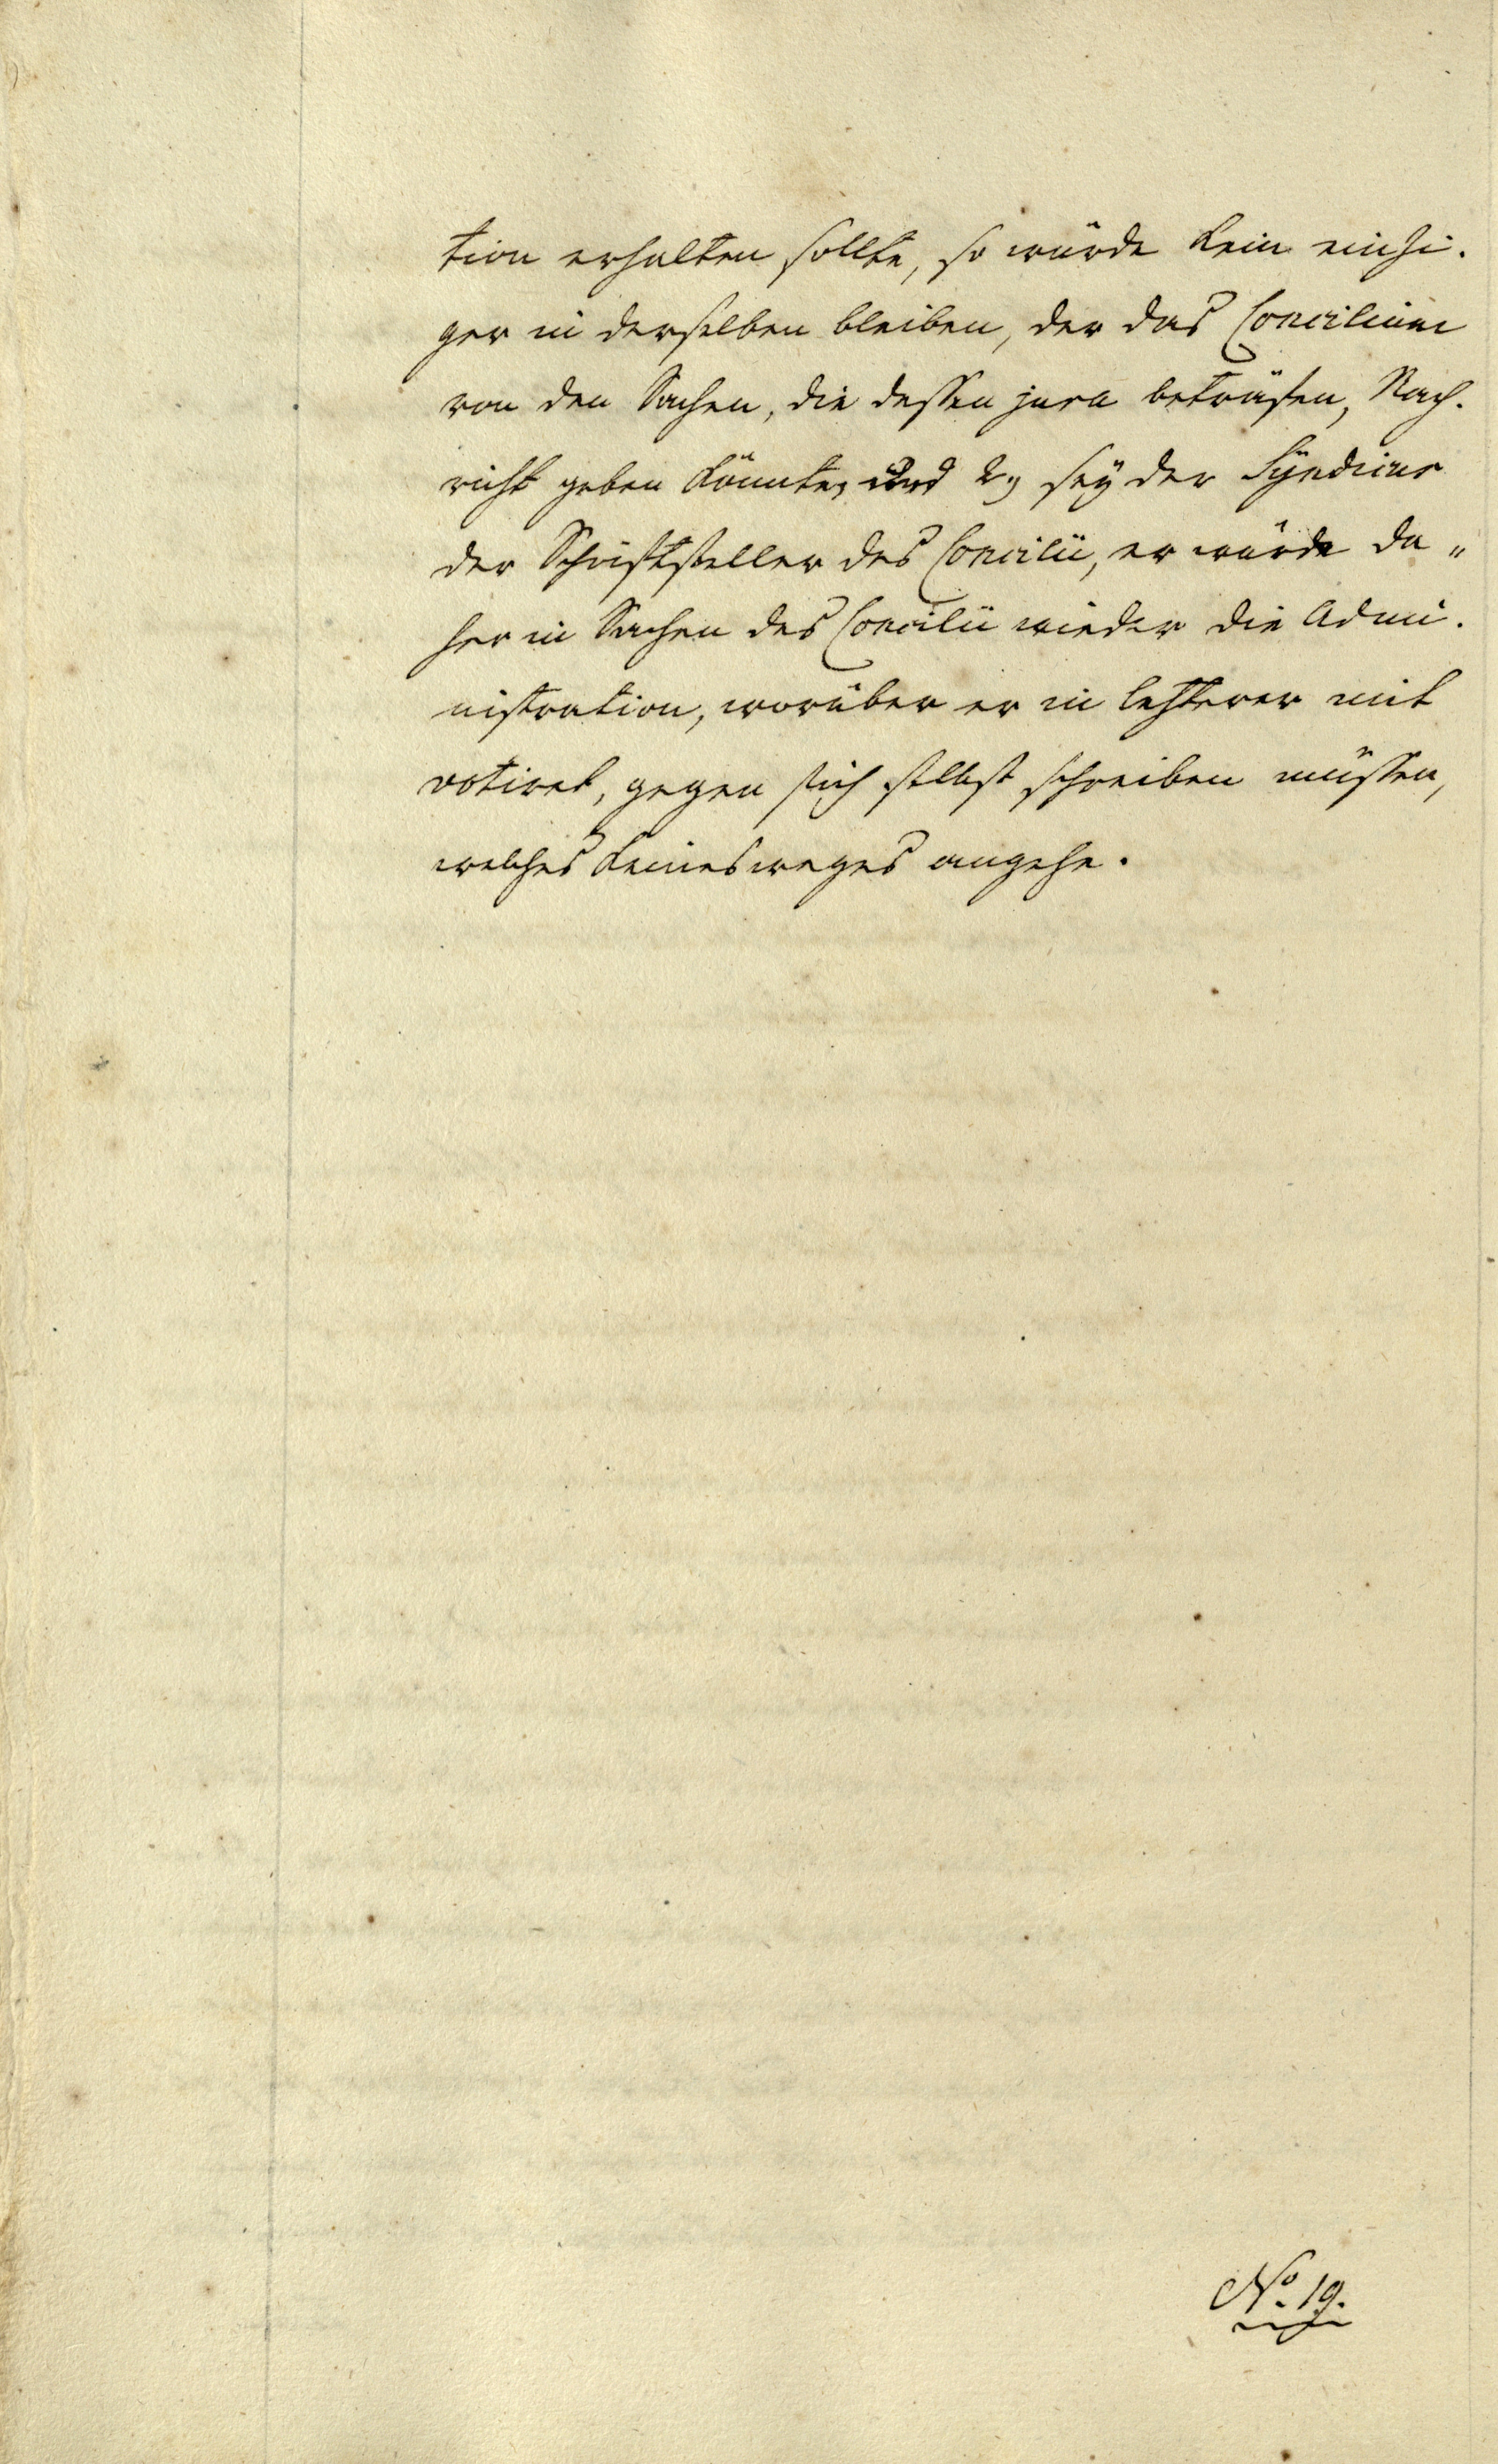tion erhalten sollte, so würde kein einzi¬
ger in derselben bleiben, der das Concilium
von den Sachen, die dessen jura beträfen, Nach¬
richt geben könnte, und 2., seÿ der Sÿndicus
der Schriftsteller des Concilii, er würde da¬
her in Sachen des Concilii wieder die Admi¬
nistration, worüber er in letzterer mit
votiret, gegen sich selbst schreiben müssen,
welches keinesweges angehe.
No 19.